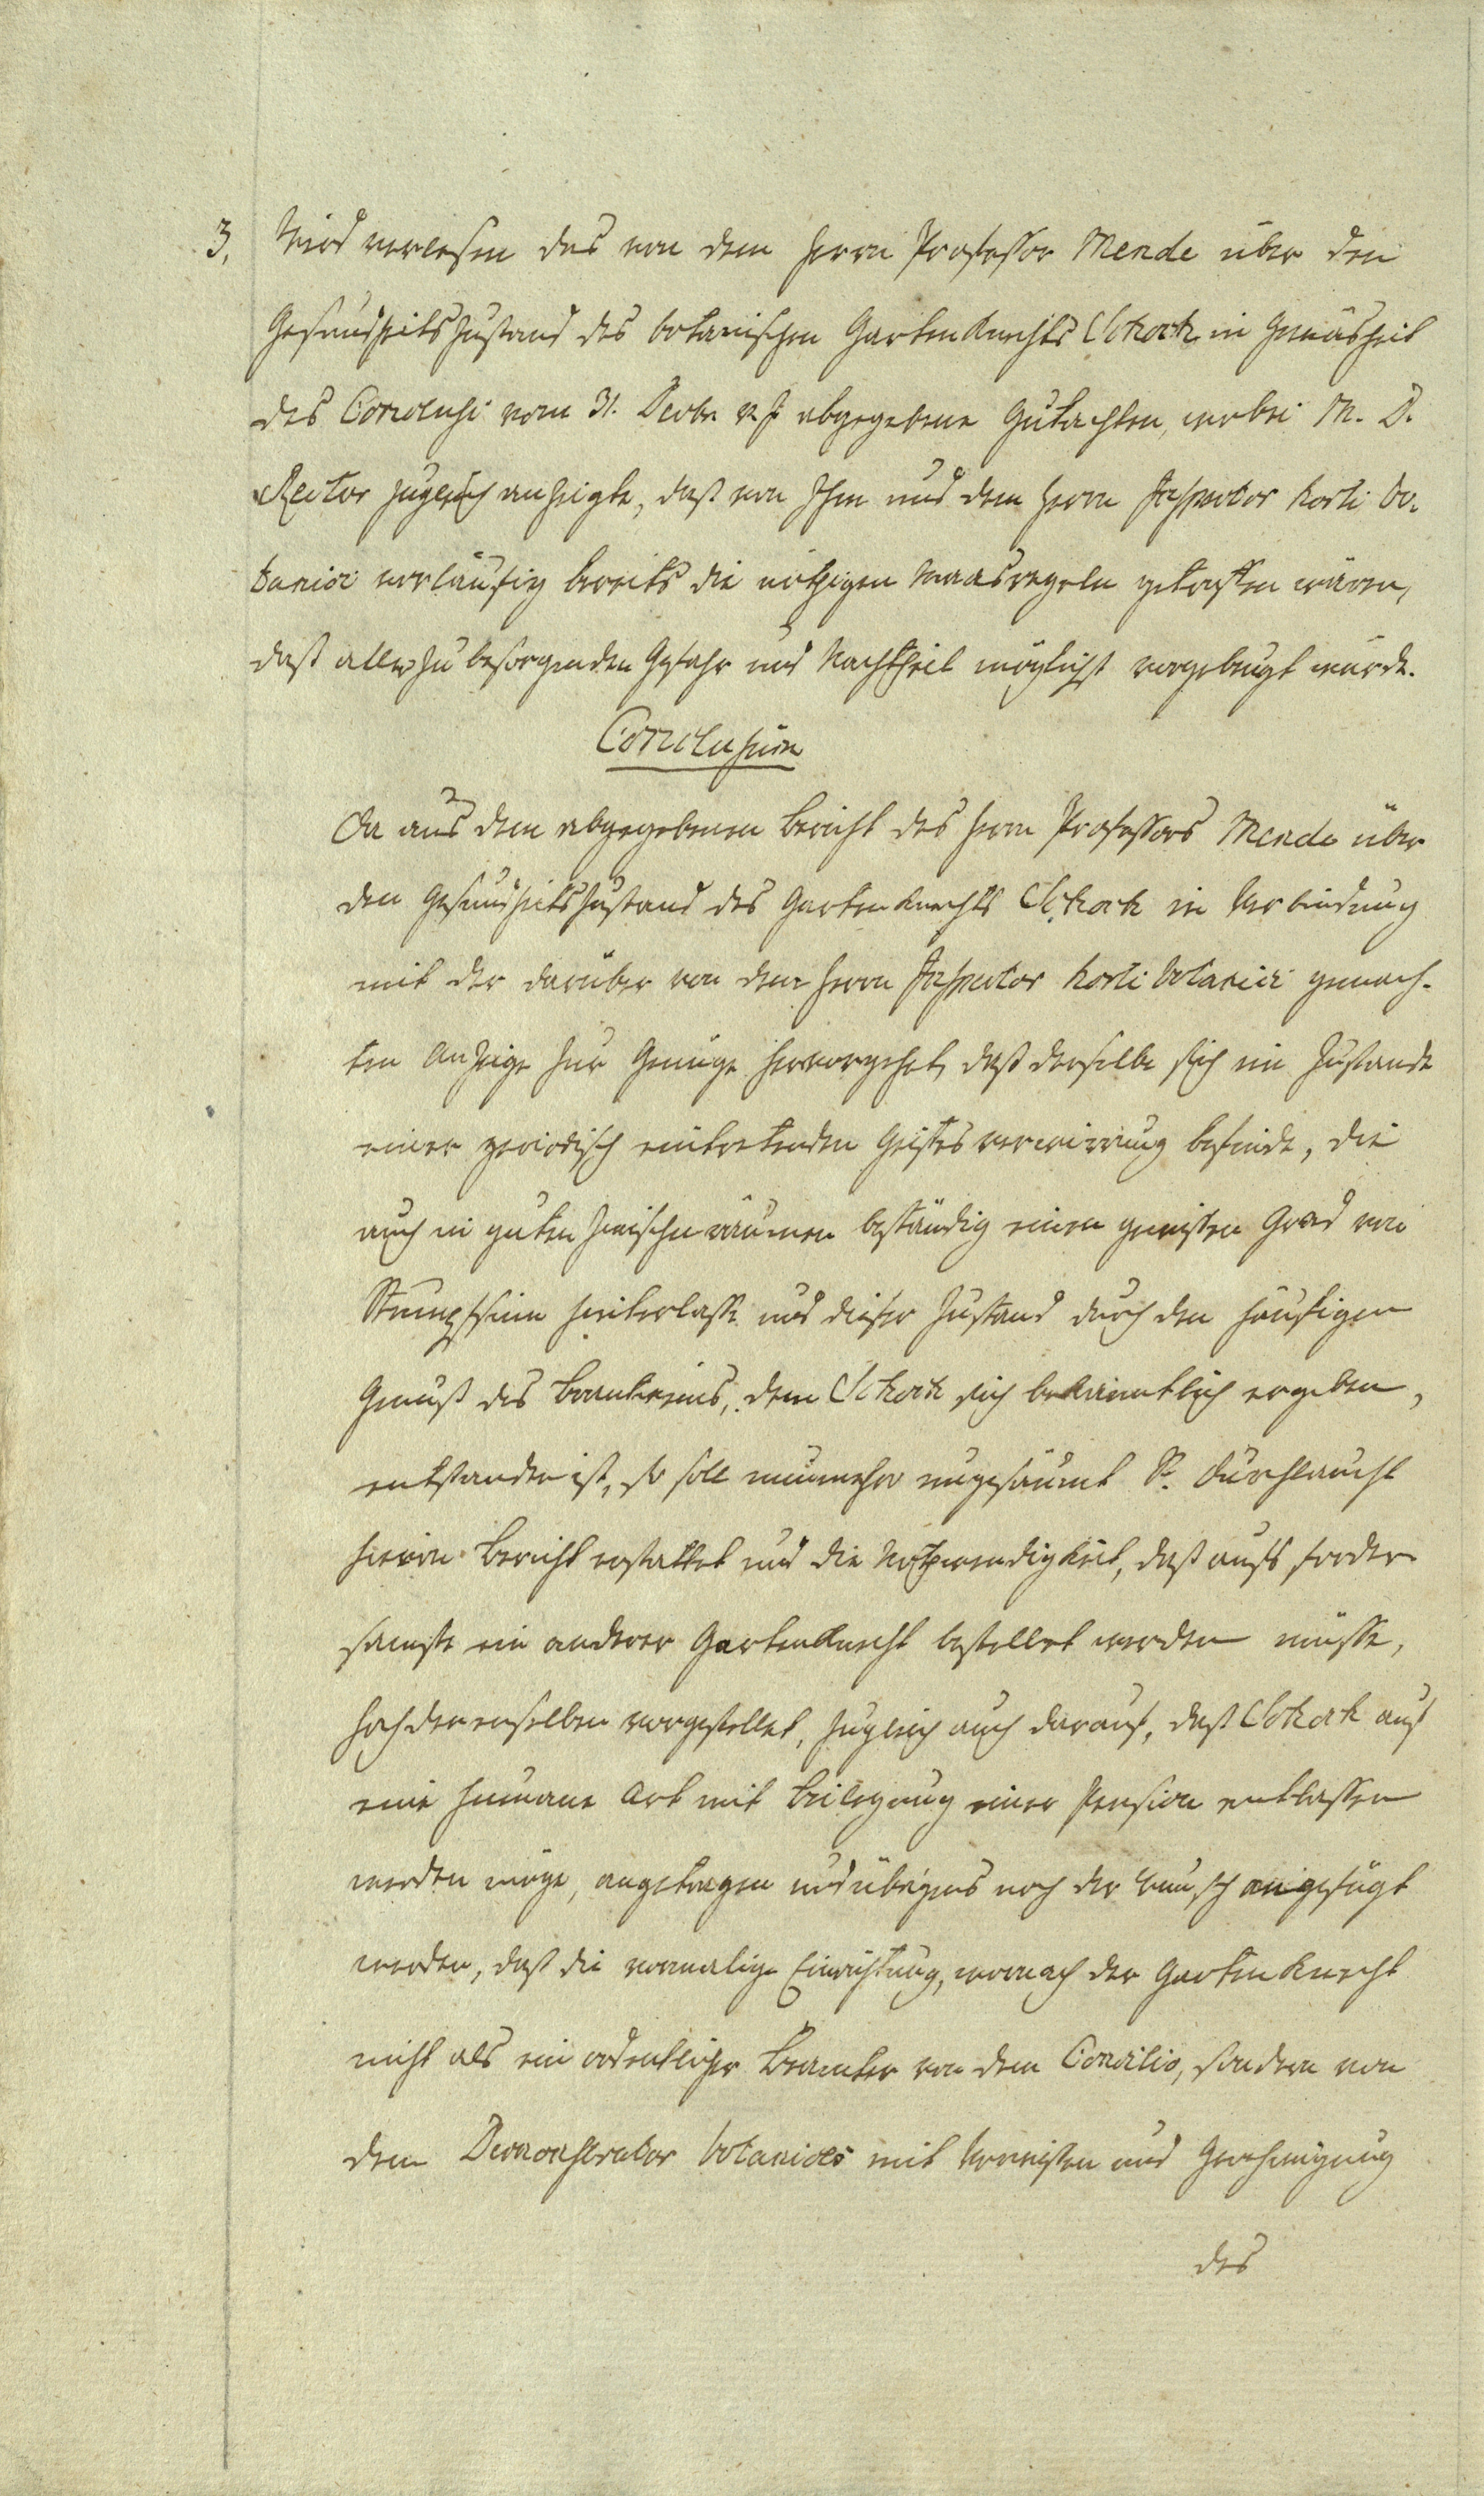3. Wird verlesen das von dem Herrn Professor Mende über den
Gesundheitszustand des botanischen Gartenknechts Schoch in Gemäsheit
des Conclusi vom 31. Decbr. v. J. abgegebene Gutachten, wobei M. D.
Rector zugleich anzeigte, daß von Ihm und dem Herrn Inspector horti bo¬
tanici vorläufig bereits die nöthigen Maasregeln getroffen wären,
daß aller zu besorgenden Gefahr und Nachtheil möglichst vorgebeugt würde.
Conclusum
Da aus dem abgegebenen Bericht des Herrn Professors Mende über
den Gesundheitszustand des Gartenknechts Schoch in Verbindung
mit der darüber von dem Herrn Inspector horti botanici gemach¬
ten Anzeige zur Genüge hervorgehet, daß derselbe sich im Zustande
einer periodisch eintretenden Geistesverwirrung befinde, die
auch in guten Zwischenräumen beständig einen gewissen Grad von
Stumpfsinn hinterlasse und dieser Zustand durch den häufigen
Genuß des Brantweins, dem Schoch sich bekanntlich ergeben,
entstanden ist, so soll nunmehro ungesäumt Sr. Durchlaucht
hierin Bericht erstattet und die Nothwendigkeit, daß aufs forder¬
samste von anderer Gartenknecht bestellet werden müsse,
hochdenenselben vorgestellet, zugleich auch darauf, daß Schoch auf
eine humane Art mit Beilegung einer Pension entlassen
werden möge, angetragen und übrigens noch der Wunsch angefügt
werden, daß die vormalige Einrichtung, wornach der Gartenknecht
nicht als ein ordentlicher Beamter von dem Concilio, sondern von
dem Demonstrator botanices mit Vorwissen und Genehmigung
des